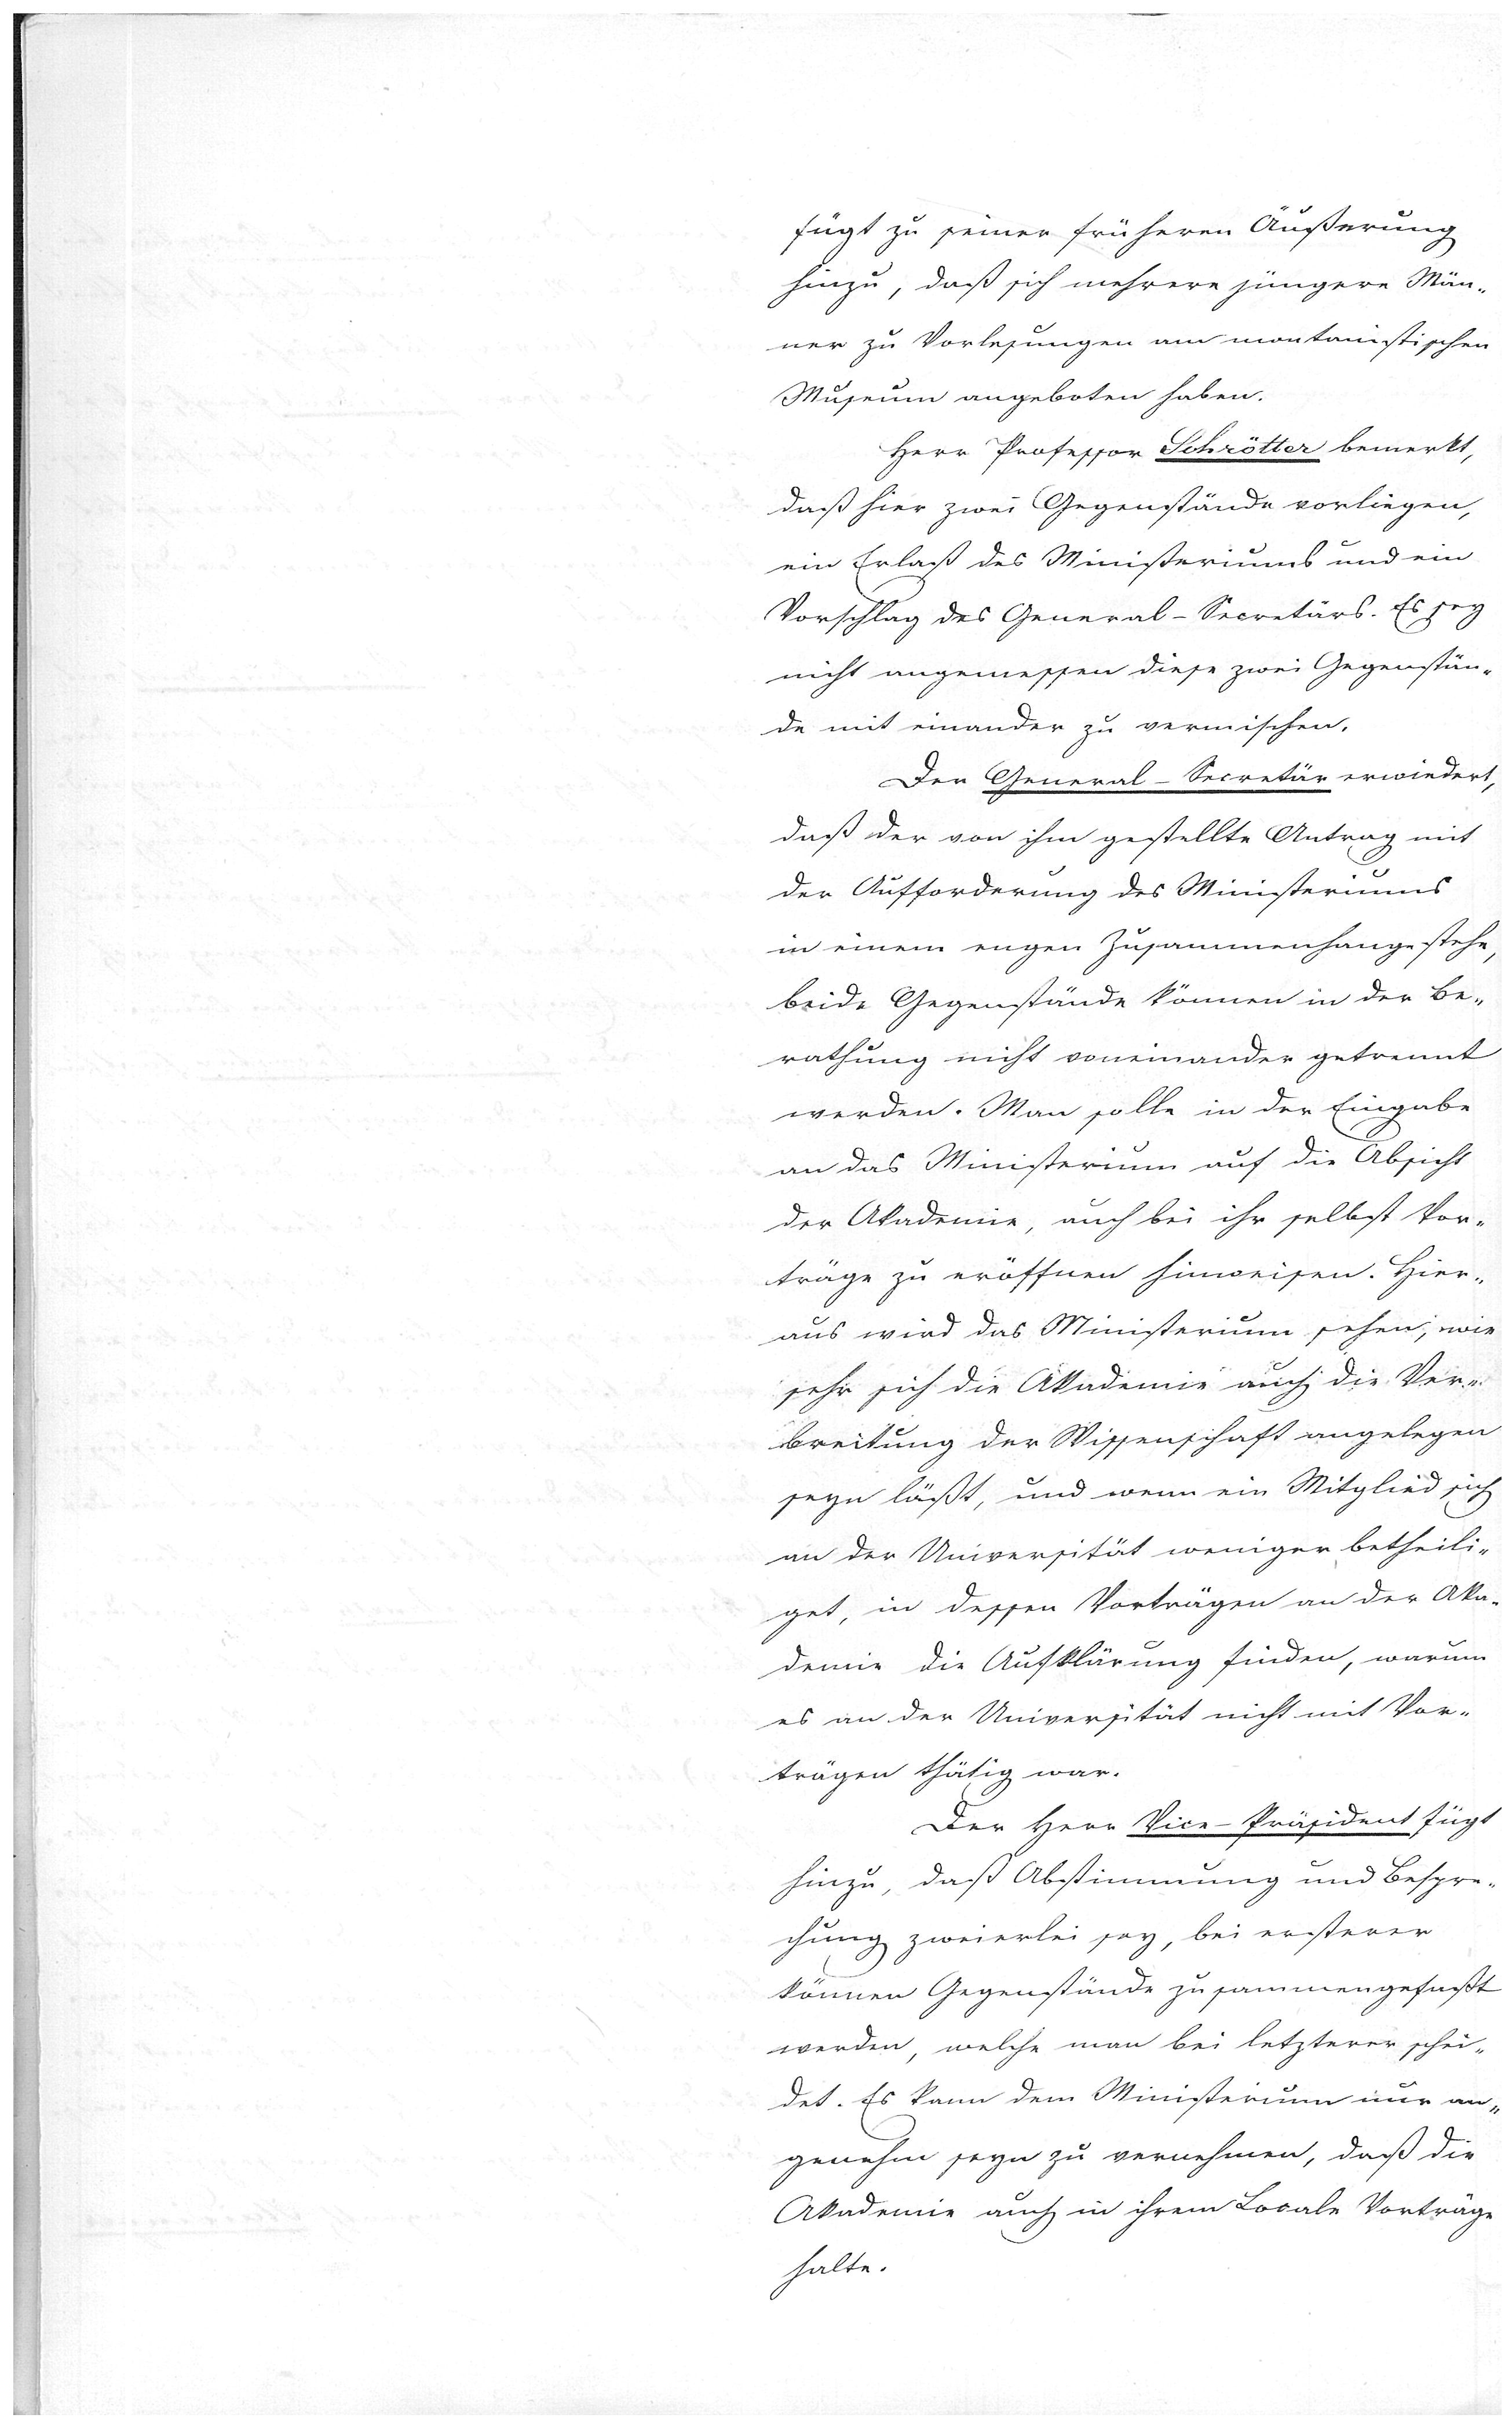fügt zu seiner früheren Äußerung
hinzu, daß sich mehrere jüngere Män-
ner zu Vorlesungen am montanistischen
Museum angeboten haben.
Herr Professor Schrötter bemerkt,
daß hier zwei Gegenstände vorliegen,
ein Erlaß des Ministeriums und ein
Vorschlag des General-Secretärs. Es sey
nicht angemessen diese zwei Gegenstän-
die mit einander zu vermischen.
Der General-Secretär erwidert,
daß der von ihm gestellte Antrag mit
der Aufforderung des Ministeriums
in einem engen Zusammenhang stehe,
beide Gegenstände können in der Be-
rathung nicht voneinander getrennt
werden. Man solle in der Eingabe
an das Ministerium auf die Absicht
der Akademie, auch bei ihr selbst Vor-
träge zu eröffnen hinweisen. Hier-
aus wird das Ministerium sehen, wie
sehr sich die Akademie auch die Ver-
breitung der Wissenschaft angelegen
seyn läßt, und wenn ein Mitglied sich
an der Universität weniger betheili-
get, in dessen Vortägen an der Aka-
demie die Aufklärung finden, warum
es an der Universität nicht mit Von-
trägen thätig war.
Der Herr Vice-Präsident fügt
hinzu, daß Abstimmung und Bespre-
chung zweierlei sey, bei ersterer
können Gegenstande zusammengefaßt
werden, welche man bei letzterer schei-
det. Es kann dem Ministerium nur an-
genehm seyn zu vernehmen, daß die
Akademie auch in ihren Locale Vorträge
halte.